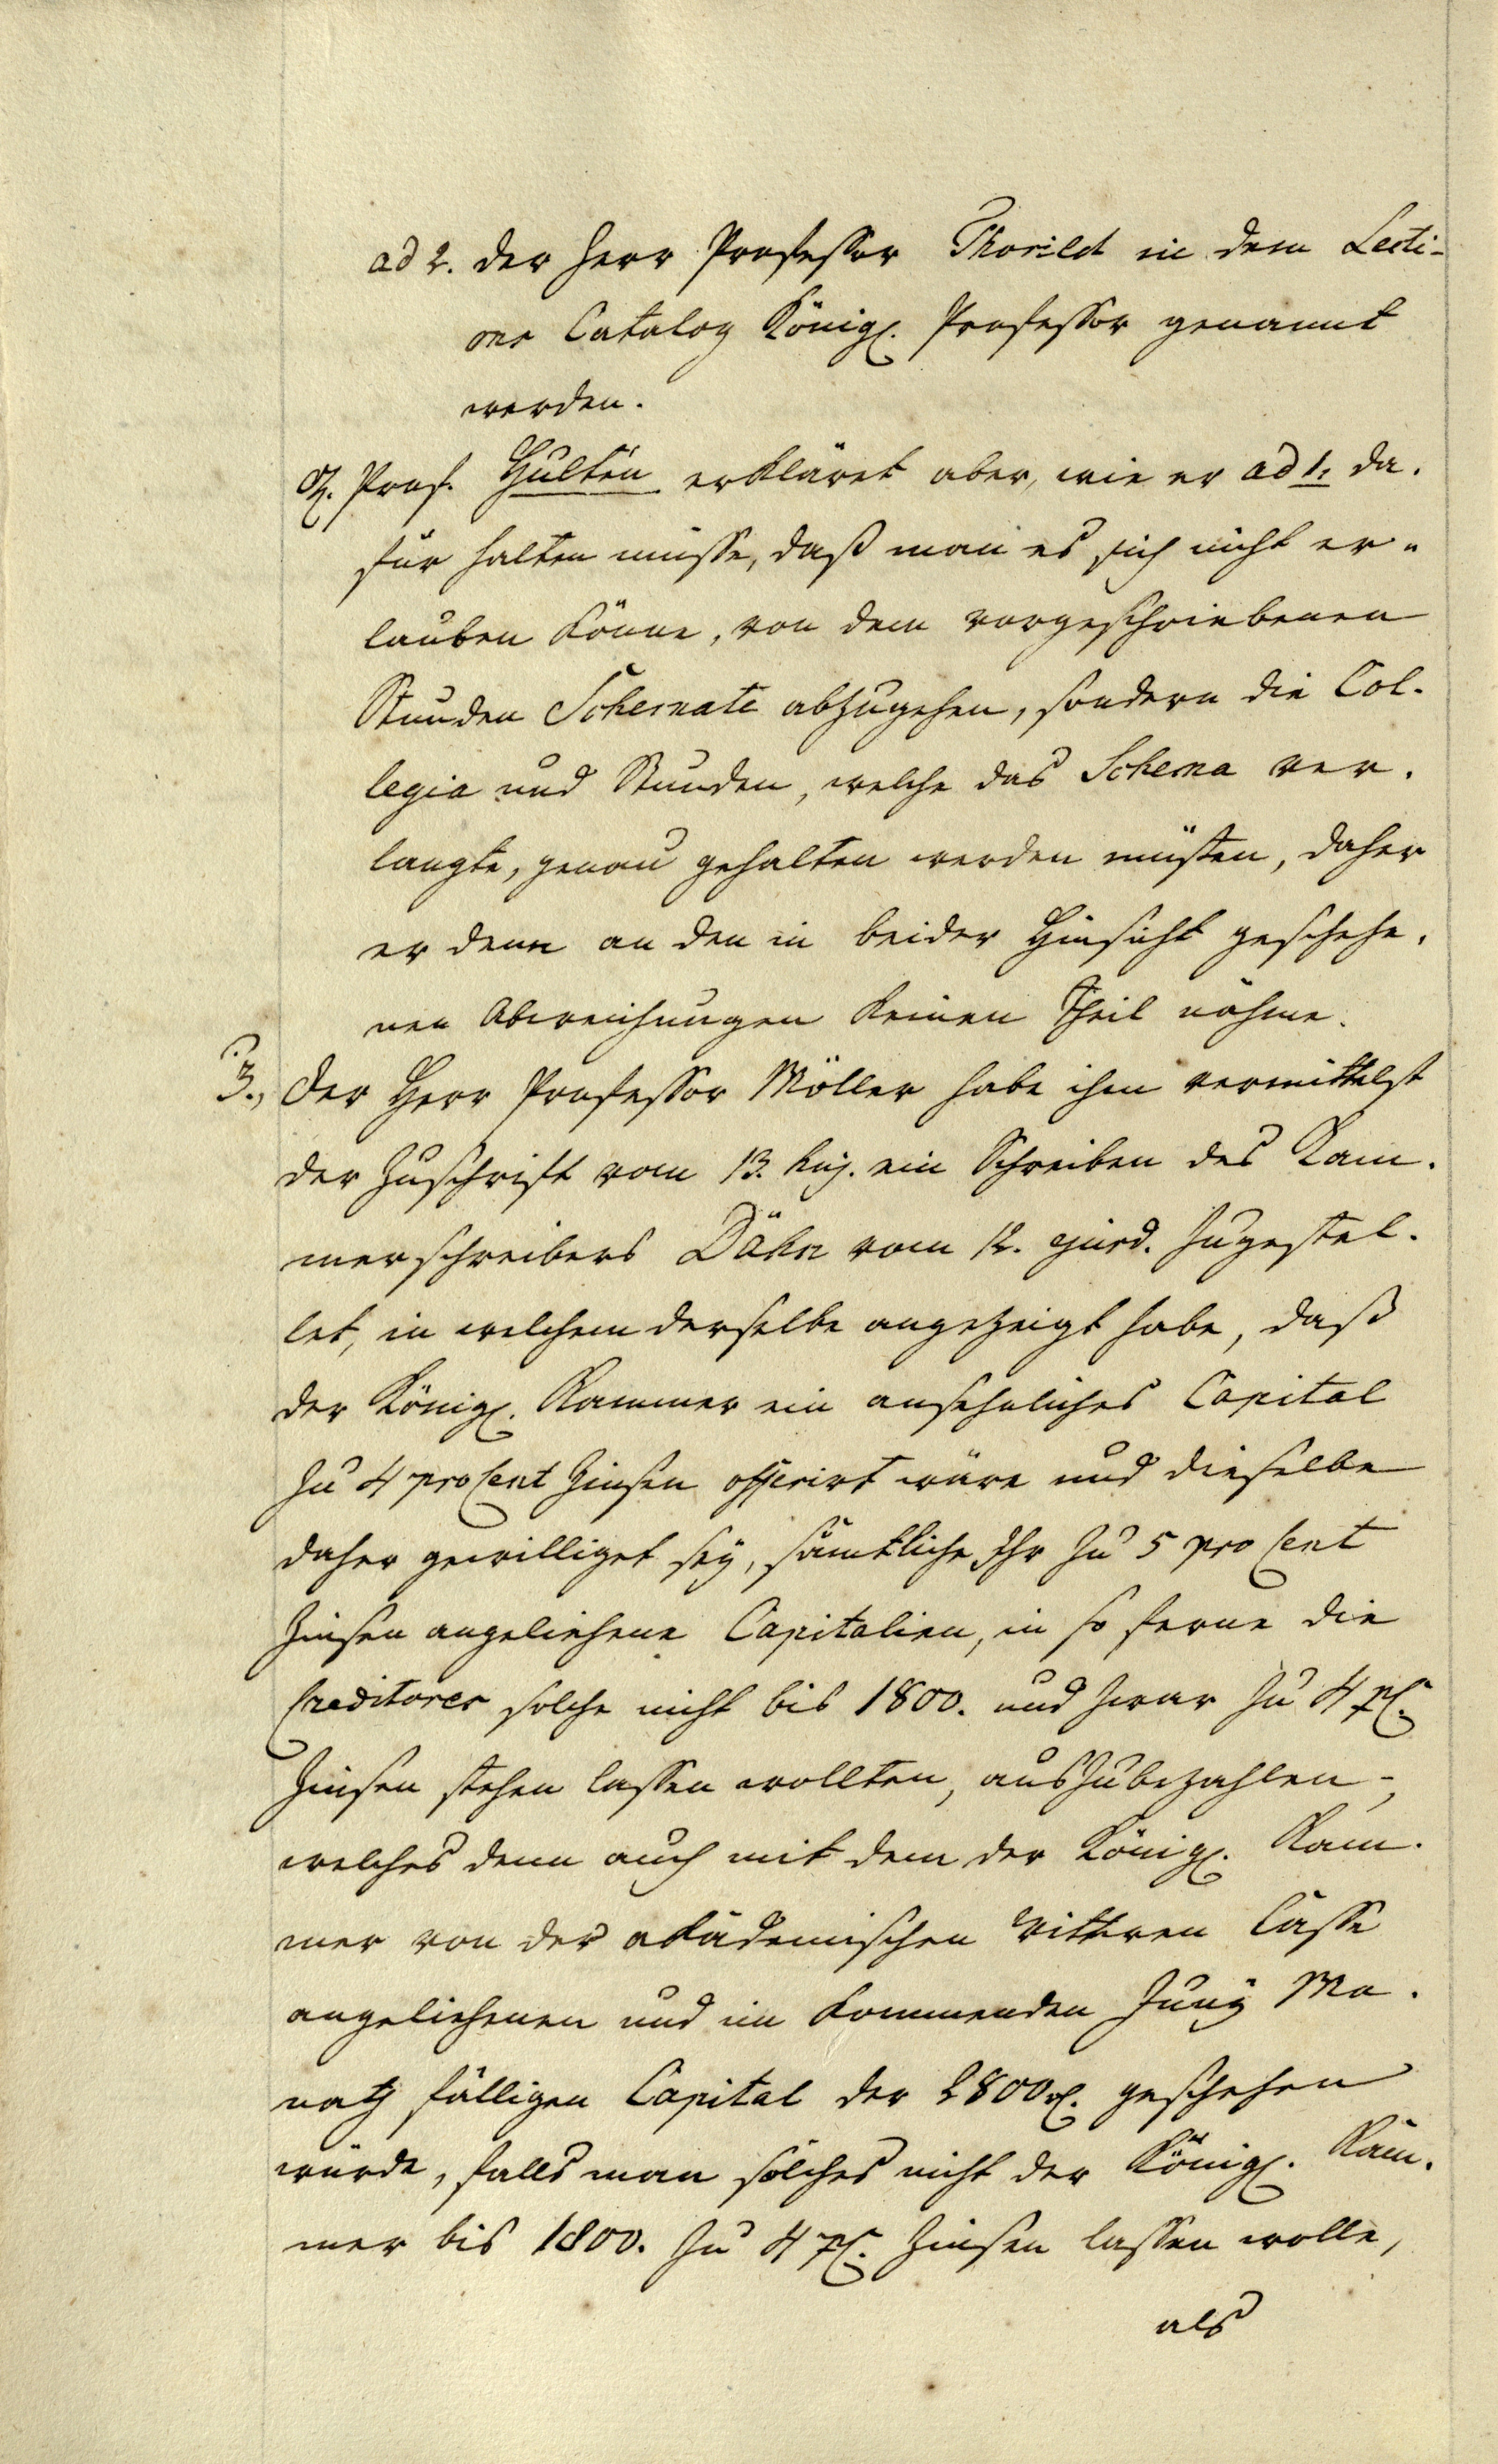ad 2. der Herr Professor Thorild in dem Lecti¬
ons Catalog Königl. Professor genannt
werden.
dh. Prof. Hultén erkläret aber, wie er ad 1. da¬
für halten müsse, daß man es sich nicht er¬
lauben könne, von dem vorgeschriebenen
Stunden Schemate abzugehen, sondern die Col¬
legia und Stunden, welche das Schema ver¬
langte, genau gehalten werden müßten, daher
er denn an den in beider Hinsicht geschehe¬
nen Abweichungen keinen Theil nähme.
3., Der Herr Professor Möller habe ihm vermittelst
der Zuschrift vom 13. huj. ein Schreiben des Kam¬
merschreibers Dähn vom 12. ejusd. zugestel¬
let, in welchem derselbe angezeigt habe, daß
der Königl. Kammer ein ansehnliches Capital
zu 4 proCent Zinsen offerirt wäre und dieselbe
daher gewilliget seÿ, sämtliche Ihr zu 5 pro Cent
Zinsen angeliehene Capitalien, so ferne die
Creditores solche nicht bis 1800. und zwar zu 4 pl.
Zinsen stehen lassen wollten, auszubezahlen,
welches denn auch mit dem der Königl. Kam¬
mer von der akademischen Wittwen Casse
angeliehenen und im kommenden Junÿ Mo¬
nath fälligen Capital der 2800 rl. geschehen
würde, falls man solches nicht der Königl. Kam¬
mer bis 1800. zu 4 pl. Zinsen lassen wolle,
als